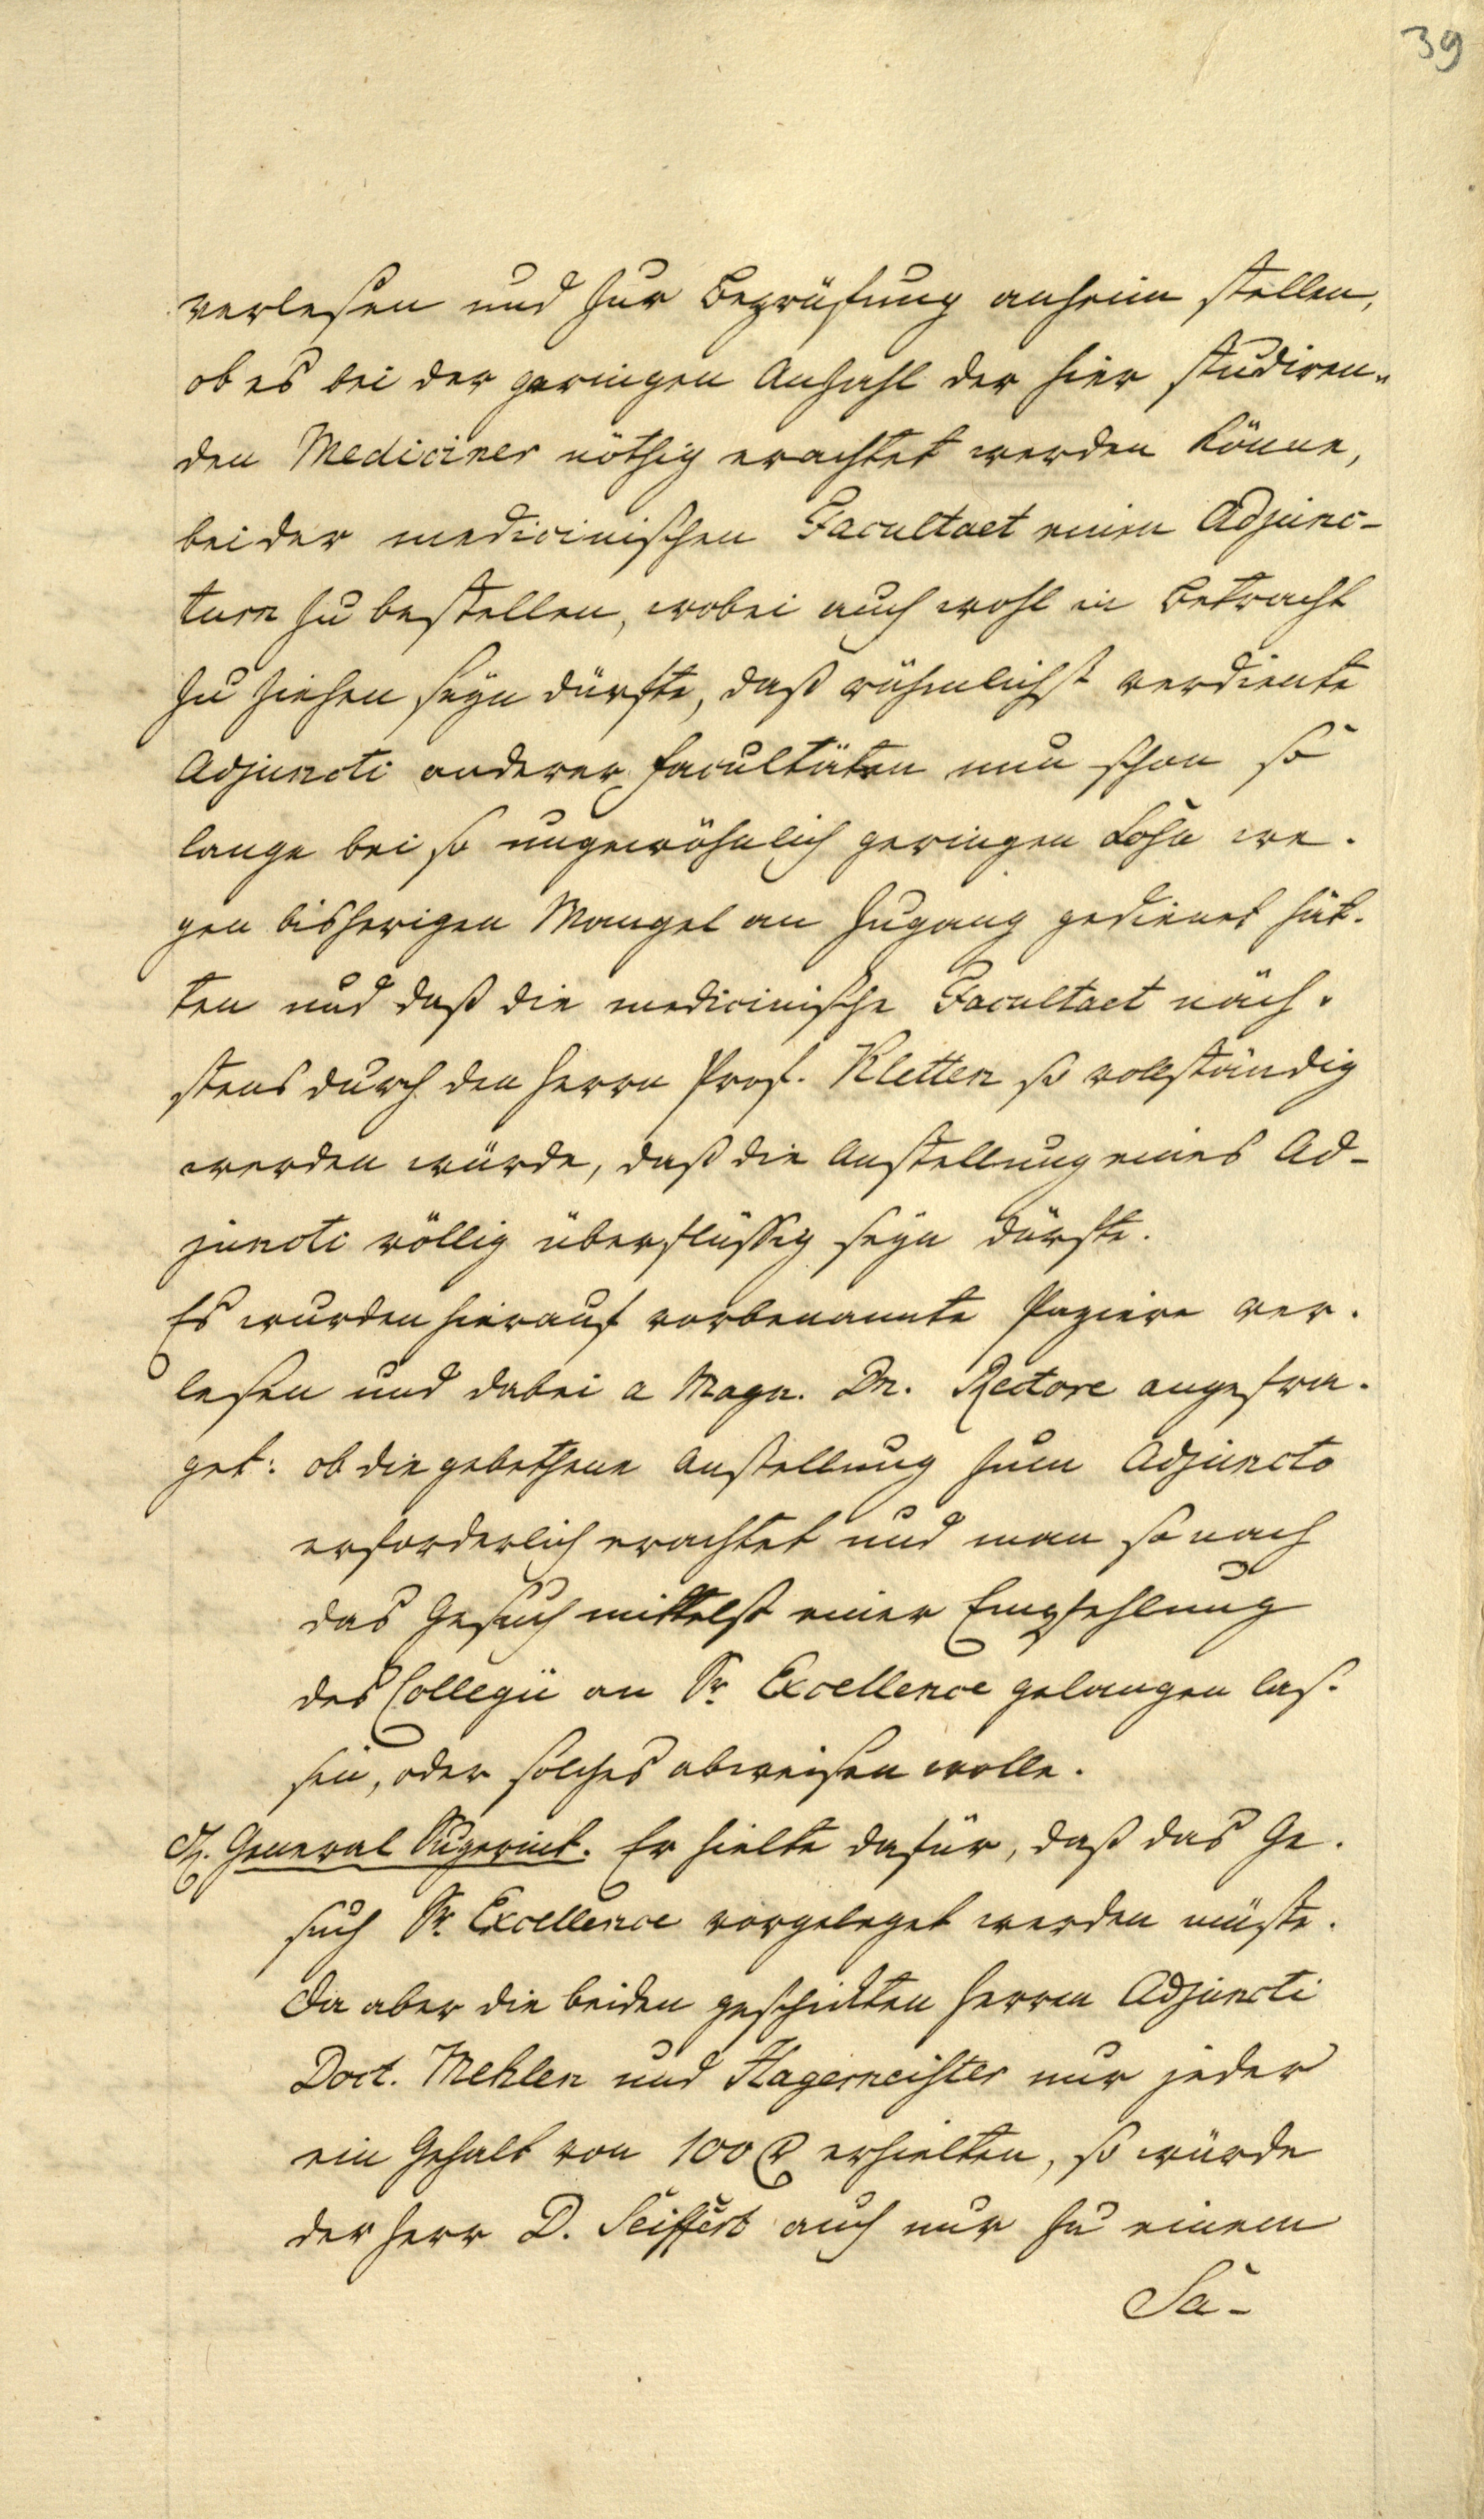verlesen und zur Beprüfung anheim, stellen,
ob es bei der geringen Anzahl der hier studiren-
den Medciner nöthig erachtet werden könne
bei der medicinischen Facultaet einen Adjunc-
tum zu bestellen, wobei auch wohl in Betracht
zu ziehen seyn dürfte, daß rühmlichst verdiente
Adjuncti anderer Facultäten nun schon so
lange bei so ungewöhnlich geringen Lohn we-
gen bisherigen Mangel an Zugang gedient hät-
ten und daß die medicinische Faultaet näch-
stens durch den Herrn Prof. Kletten so vollständig
werden würde, daß die Anstellung eines Ad-
juncti völlig überflüssig seyn dürfte.
Es wurden hierauf vorbenannte Papiere ver-
lesen und dabei a Magn. Dn. Rectore angefra-
get: ob die gebethene Anstellung zum Adjuncto
erforderlich erachtet und man so nach
das Gesuch mittelst einer Empfehlung
des Collegii an Sr. Excellence gelangen las-
sen, oder solches abweisen wolle.
dh. General Superint. Er hielte dafür, daß das Ge-
such Sr. Excellence vorgeleget werden müßte.
da aber die beiden geschikten herren Adjuncti
Doct. Mehlen und Hagemeister nur jeder
ein Gehalt von 100 rtl erhielten, so würde
der herr D. Seiffert auch nur zu einem
Sa-